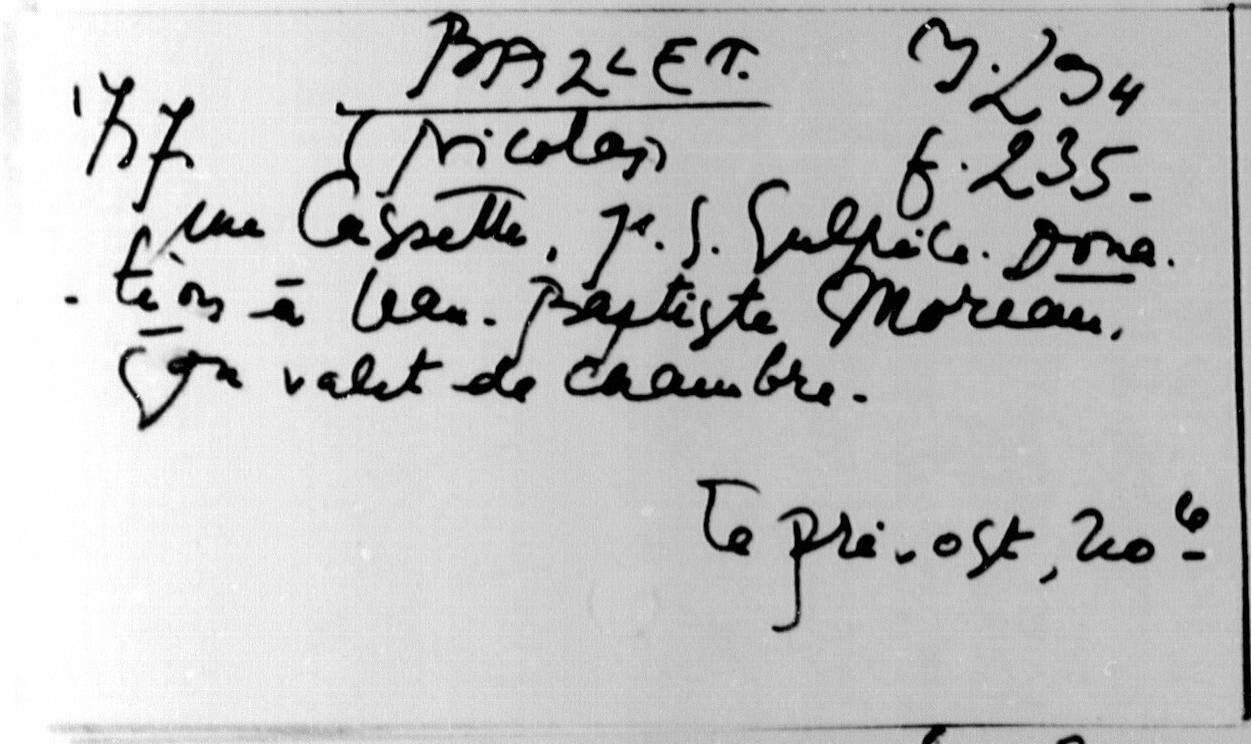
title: BALLET (Nicolas)
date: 1717
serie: Y
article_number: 294
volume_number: folio 235
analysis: rue Cassette, paroisse Saint-Sulpice. Donation à Jean-Baptiste Moreau, son valet de chambre Le Prévost, notaire
